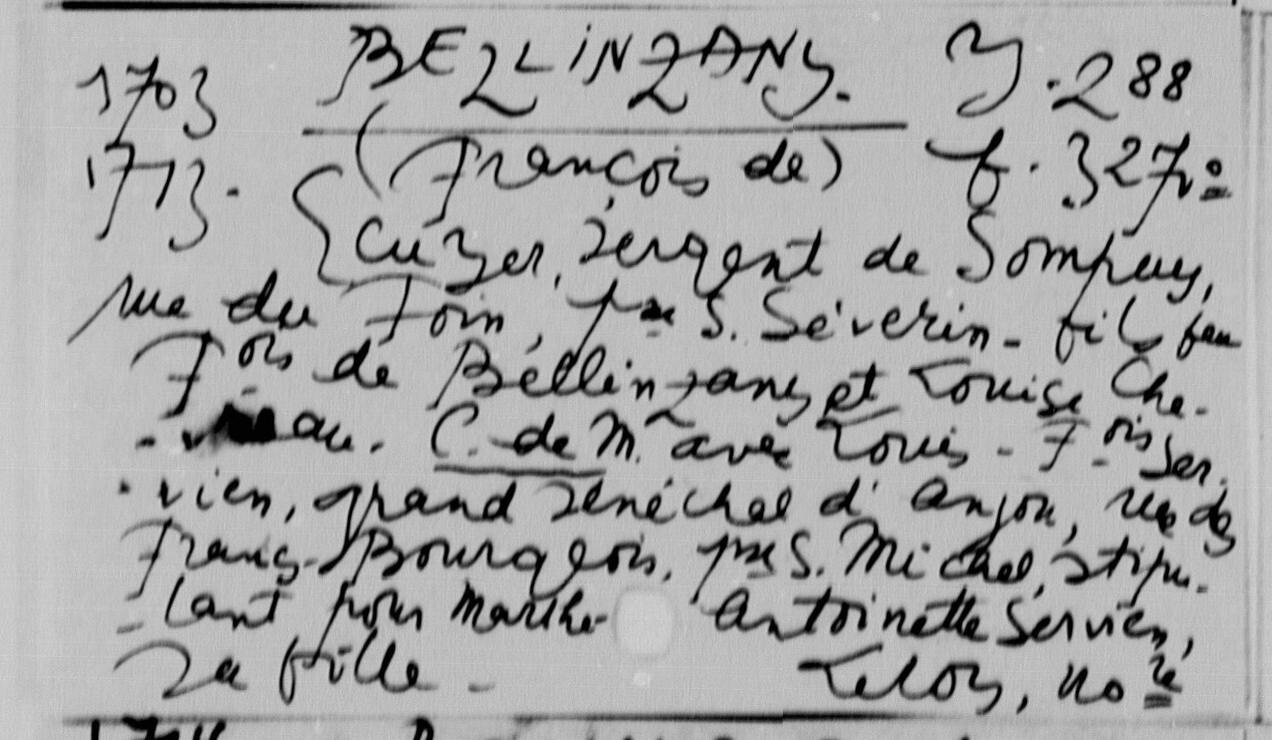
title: BELLINZANY (François de)
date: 1703-1713
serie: Y
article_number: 288
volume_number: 327v
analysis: Écuyer, sergent de Sompuy, rue du Foin, paroisse Saint-Séverin fils feu François de Bellinzans et Louise Cheviau. Contrat de Mariage avec Louis-François, Servien, qrand senéchal d'Anjou, rue des Francs-Bourgeois, paroisse Saint-Michel, stipulant pour Marthe-Antoinette Servier, sa fille. Leroy, notaire
